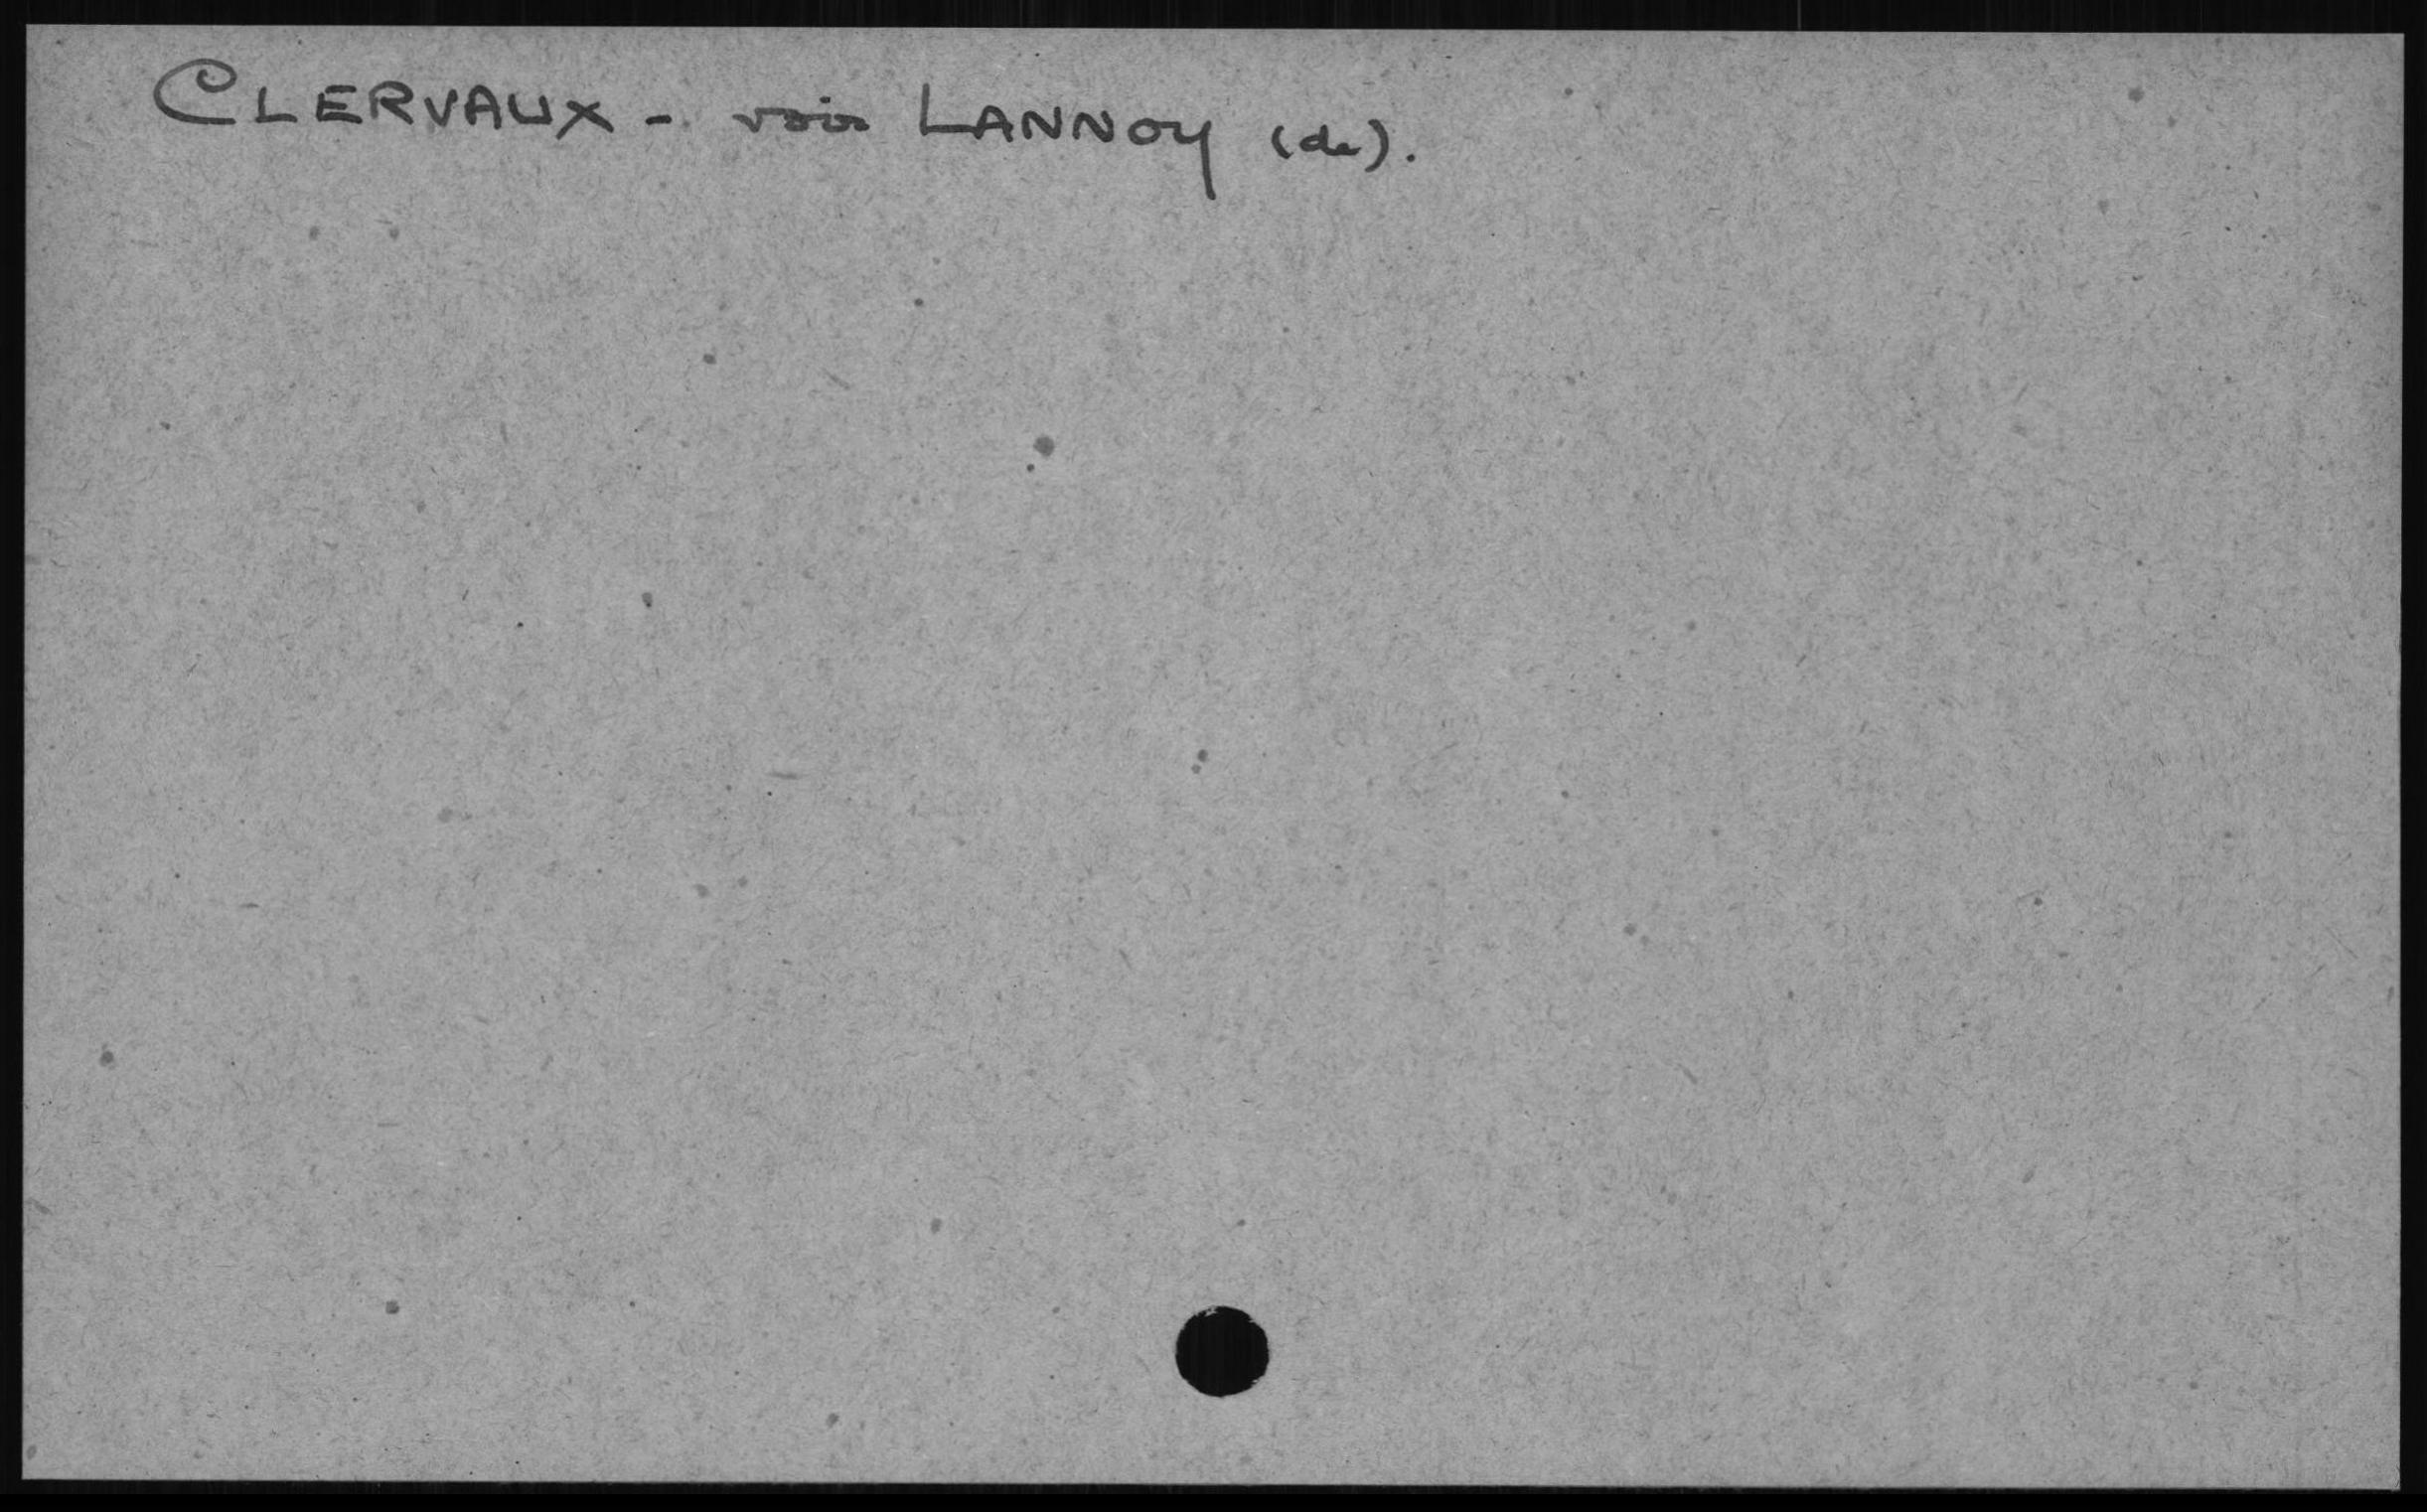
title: CLERVAUX - voir LANNOY (de)
